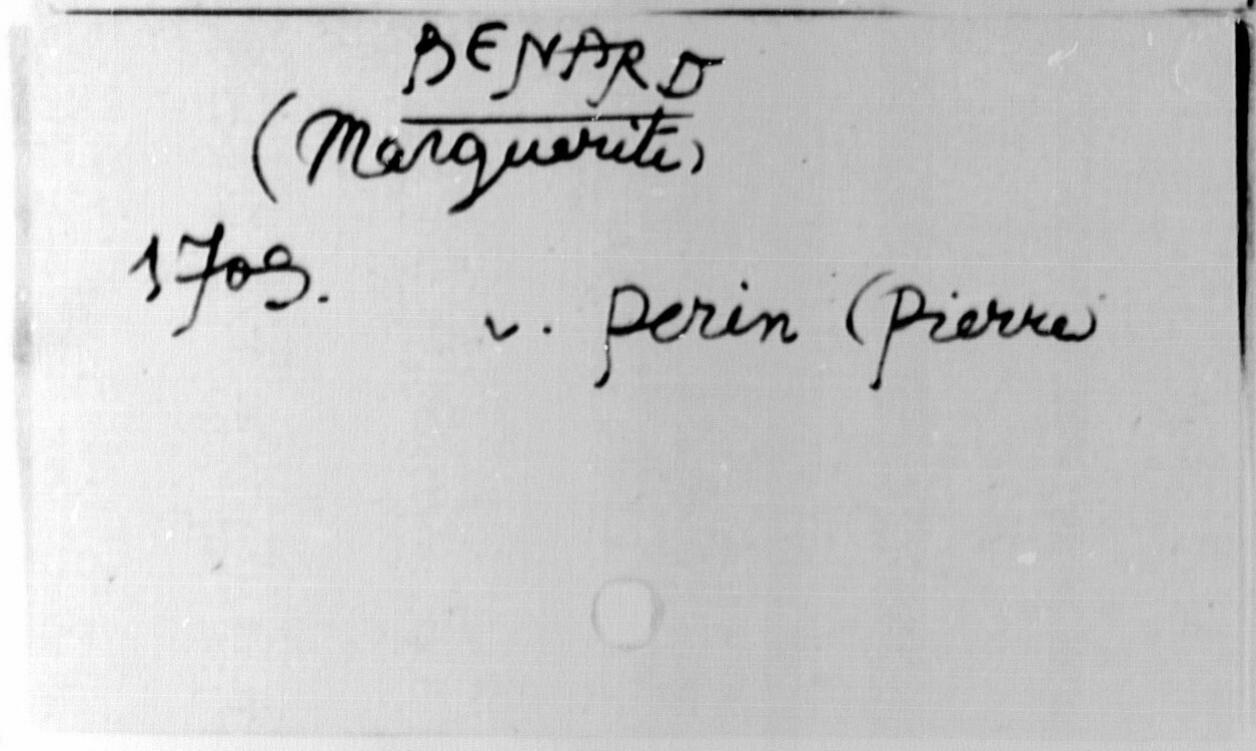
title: BENARD (Marguerite)
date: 1709
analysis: Voir Perin (Pierre)
